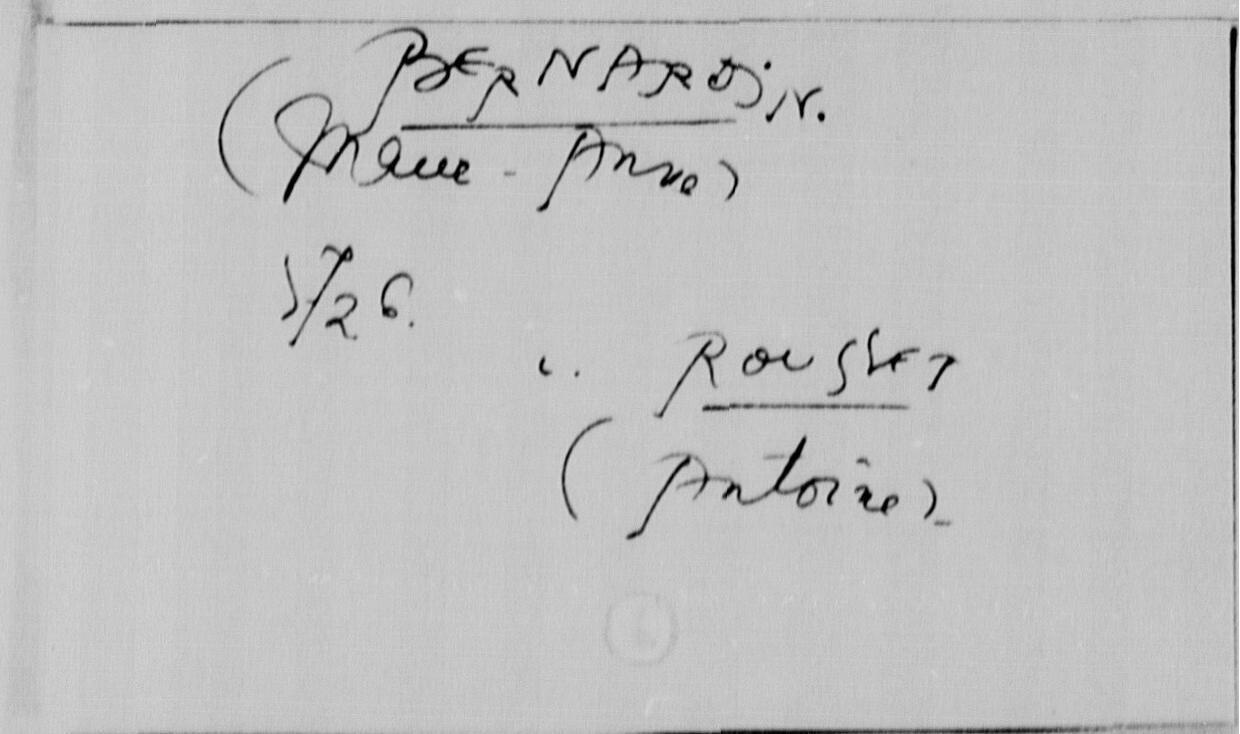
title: BERNARDIN (Marie-Anne)
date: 1726
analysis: Voir ROUSSET (Antoine)
